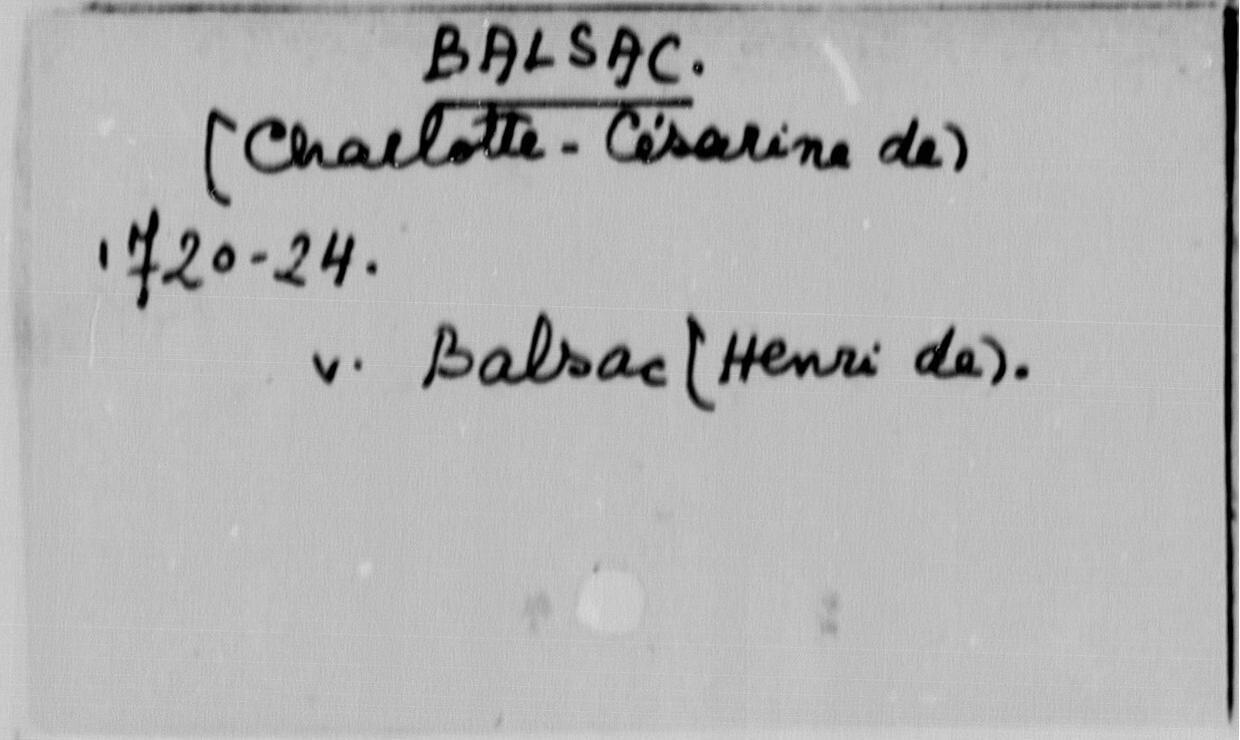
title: BALSAC (Charlotte Césarine de)
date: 1720-1724
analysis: Voir BALSAC (Henri de)
